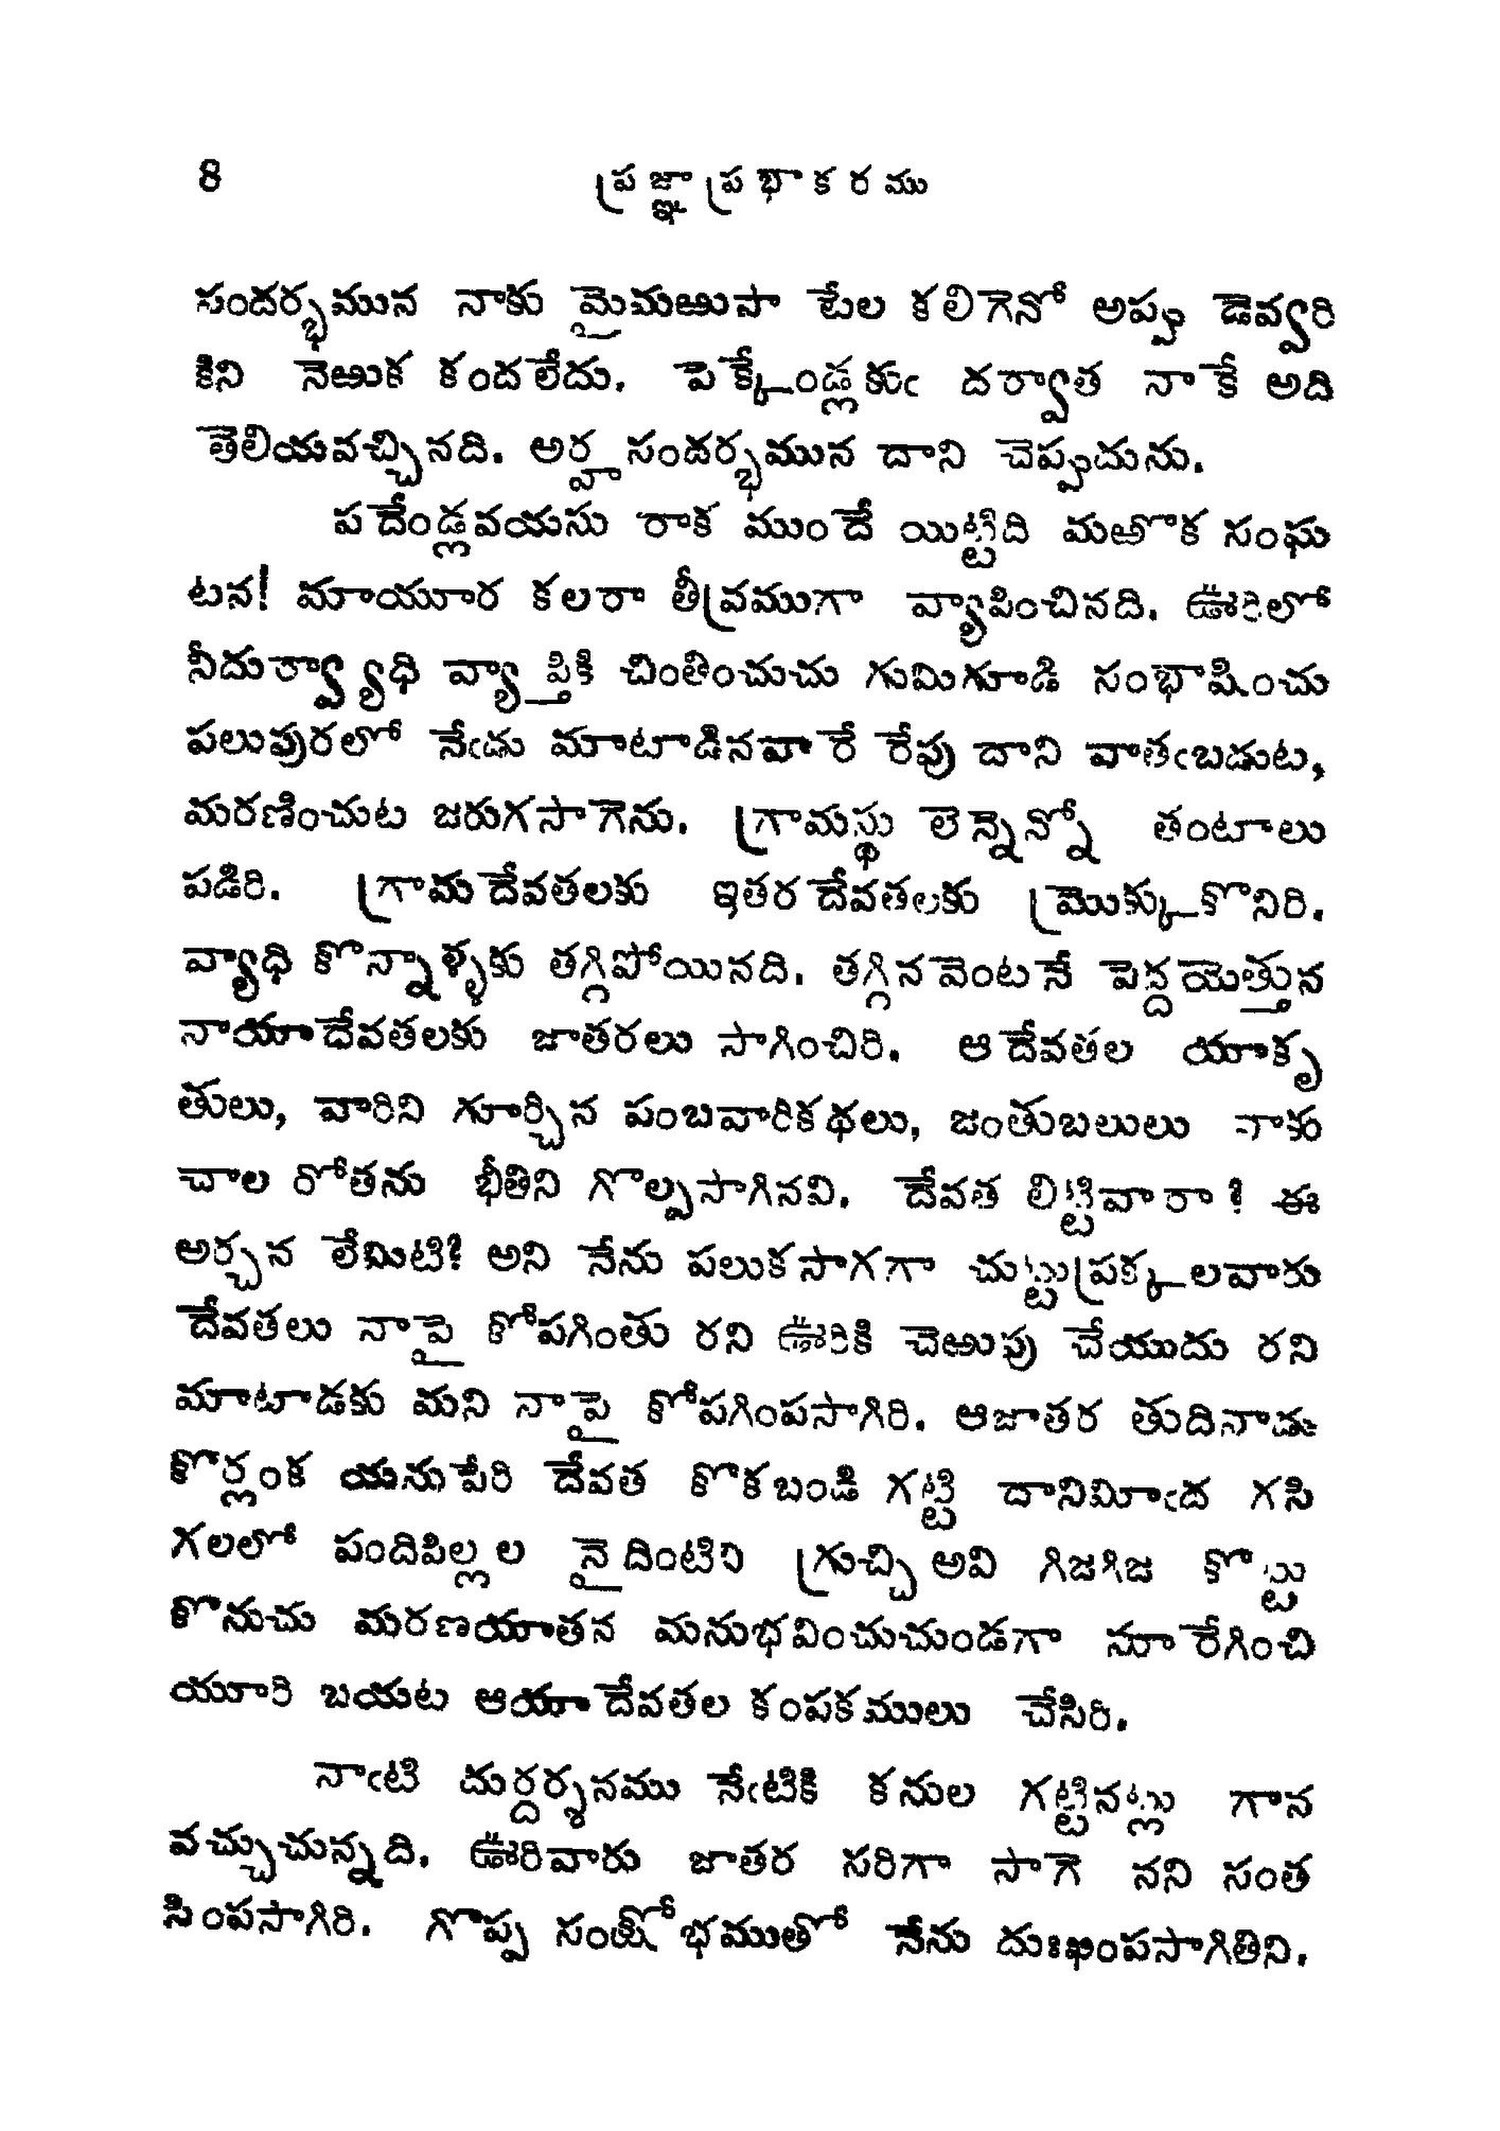సందర్భమున నాకు మైమఱుపాటేల కలిగెనో అప్పు డెవ్వరికిని నెఱుక కందలేదు. పెక్కేండ్లకుఁ దర్వాత నాకే అది తెలియ వచ్చినది. అర్హ సందర్భమున దాని చెప్పుదును.
 
పదేండ్లవయసు రాక ముందే యిట్టిది మఱొక సంఘటన! మా యూర కలరా తీవ్రముగా వ్యాపించినది. ఊరిలో నీ దుర్యాధి వ్యాప్తికి చింతించుచు గుమిగూడి సంభాషించు పలువురలో నేఁడుమాటాడిన వారే రేపు దాని వాతఁ బడుట, మరణించుట జరుగసాగెను. గ్రామస్థు లేన్నెన్నో తంటాలుపడిరి. గ్రామ దేవతలకు ఇతర దేవతలకు మ్రొక్కు కొనిరి. వ్యాధి కొన్నాళ్ళుకు తగ్గిపోయినది. తగ్గిన వెంటనే పెద్ద యెత్తున నాయా దేవతలకు జాతరలు సాగించిరి. ఆ దేవతల యాకృతులు, వారిని గూర్చిన పంబ వారికధలు, జంతుబలులు నాకు చాల రోతను భీతిని గోల్పసాగినవి. దేవత లిట్టివారా? ఈ అర్చన లేనిటి? అని నేను పలుక సాగగా చుట్టుప్రక్కల వారు దేవతలు నాపై కోపగింతు రని ఊరికి చెఱువు చేయుదు రని మాటాడకు మని నాపై కోపగింపసాగిరి. ఆ జాతర తుదినాడు కొర్లంక యను పేరి దేవత కొక బండి గట్టి దాని మిఁద గసిగాలలో పందిపిల్లల నైదింటిని గ్రుచ్చి అవి గిజగిజ కొట్టు కొనుచు మరణయాతన మనుభవించు చుండగా నూరేగించి యూరి బయట ఆయా దేవతల కంపకములు చేసిరి.

నాఁటి దుర్దర్శనము నేఁటికి కనుల గట్టినట్లు గాన వచ్చుచున్నది. ఊరివారు జాతర సరిగా సాగె నని సంత సింపసాగిరి. గొప్ప సంక్షోభంముతో నేను దుఃఖింపసాగితిని.